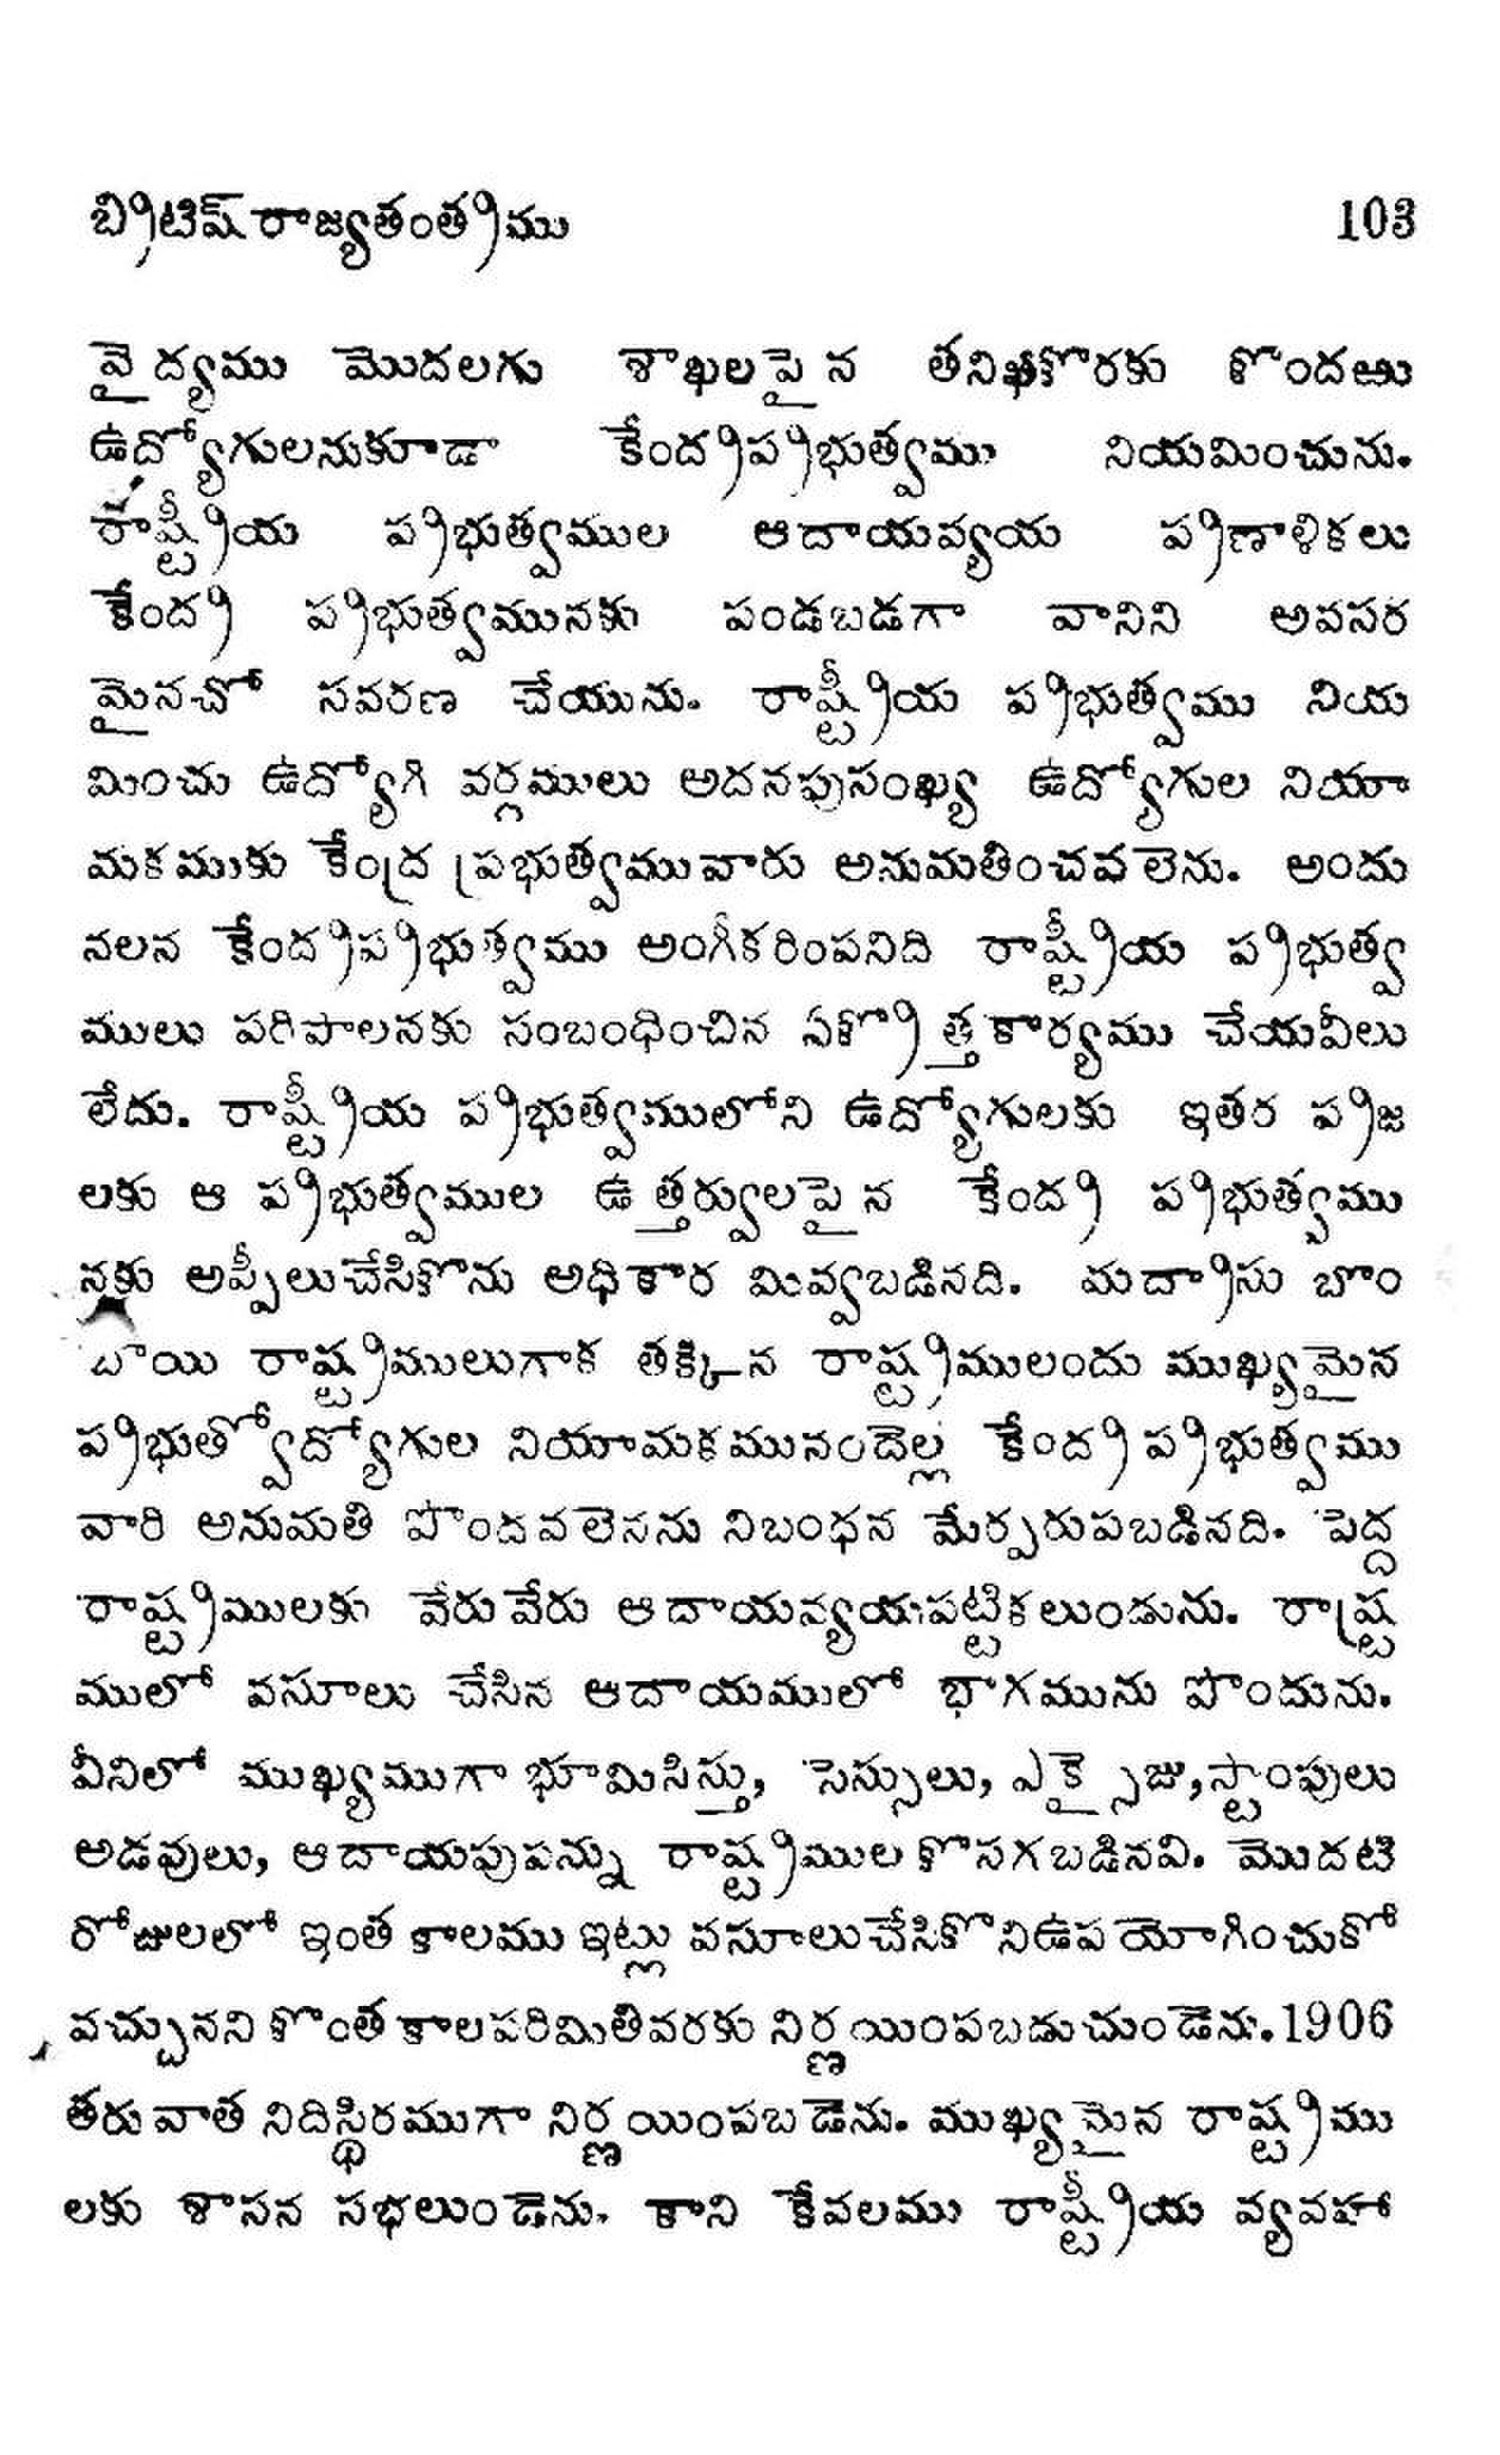వైద్యము మొదలగు శాఖలపైన తనిఖీకొరకు కొందఱు ఉద్యోగులనుకూడా కేంద్రప్రభుత్వము నియమించును. రాష్ట్రీయ ప్రభుత్వముల ఆదాయవ్యయ ప్రణాళికలు కేంద్ర ప్రభుత్వమునకు పంపబడగా వానిని అవసరమైనచో సవరణ చేయును. రాష్ట్రీయ ప్రభుత్వము నియమించు ఉద్యోగి వర్గములు అదనపుసంఖ్య ఉద్యోగుల నియామకముకు కేంద్ర ప్రభుత్వము వారు అనుమతించవలెను. అందువలన కేంద్రప్రభుత్వము అంగీకరింపనిది రాష్ట్రీయ ప్రభుత్వములు పరిపాలనకు సంబంధించిన ఏక్రొత్తకార్యము చేయవీలులేదు. రాష్ట్రీయ ప్రభుత్వములోని ఉద్యోగులకు ఇతర ప్రజలకు ఆ ప్రభుత్వముల ఉత్తర్వులపైన కేంద్ర ప్రభుత్వమునకు అప్పీలుచేసికొను అధికార మివ్వబడినది. మద్రాసు బొంబాయి రాష్ట్రములుగాక తక్కిన రాష్ట్రములందు ముఖ్యమైన ప్రభుత్వోద్యోగుల నియామకమునందెల్ల కేంద్రప్రభుత్వము వారి అనుమతి పొందవలెనను నిబంధన మేర్పరుపబడినది. పెద్దరాష్ట్రములకు వేరు వేరు ఆదాయవ్యయపట్టిక లుండును. రాష్ట్రములో వసూలు చేసిన ఆదాయములో భాగమును పొందును. వీనిలో ముఖ్యముగా భూమిసిస్తు, సెస్సులు, ఎక్సైజు, స్టాంపులు అడవులు, ఆదాయపుపన్ను రాష్ట్రముల కొసగబడినవి. మొదటి రోజులలో ఇంతకాలము ఇట్లు వసూలుచేసికొని ఉపయోగించుకోవచ్చునని కొంతకాలపరిమితివరకు నిర్ణయింపబడుచుండెను. 1906 తరువాత నిదిస్థిరముగా నిర్ణయింపబడెను. ముఖ్యమైన రాష్ట్రములకు శాసన సభలుండెను. కాని కేవలము రాష్ట్రీయ వ్యవహా